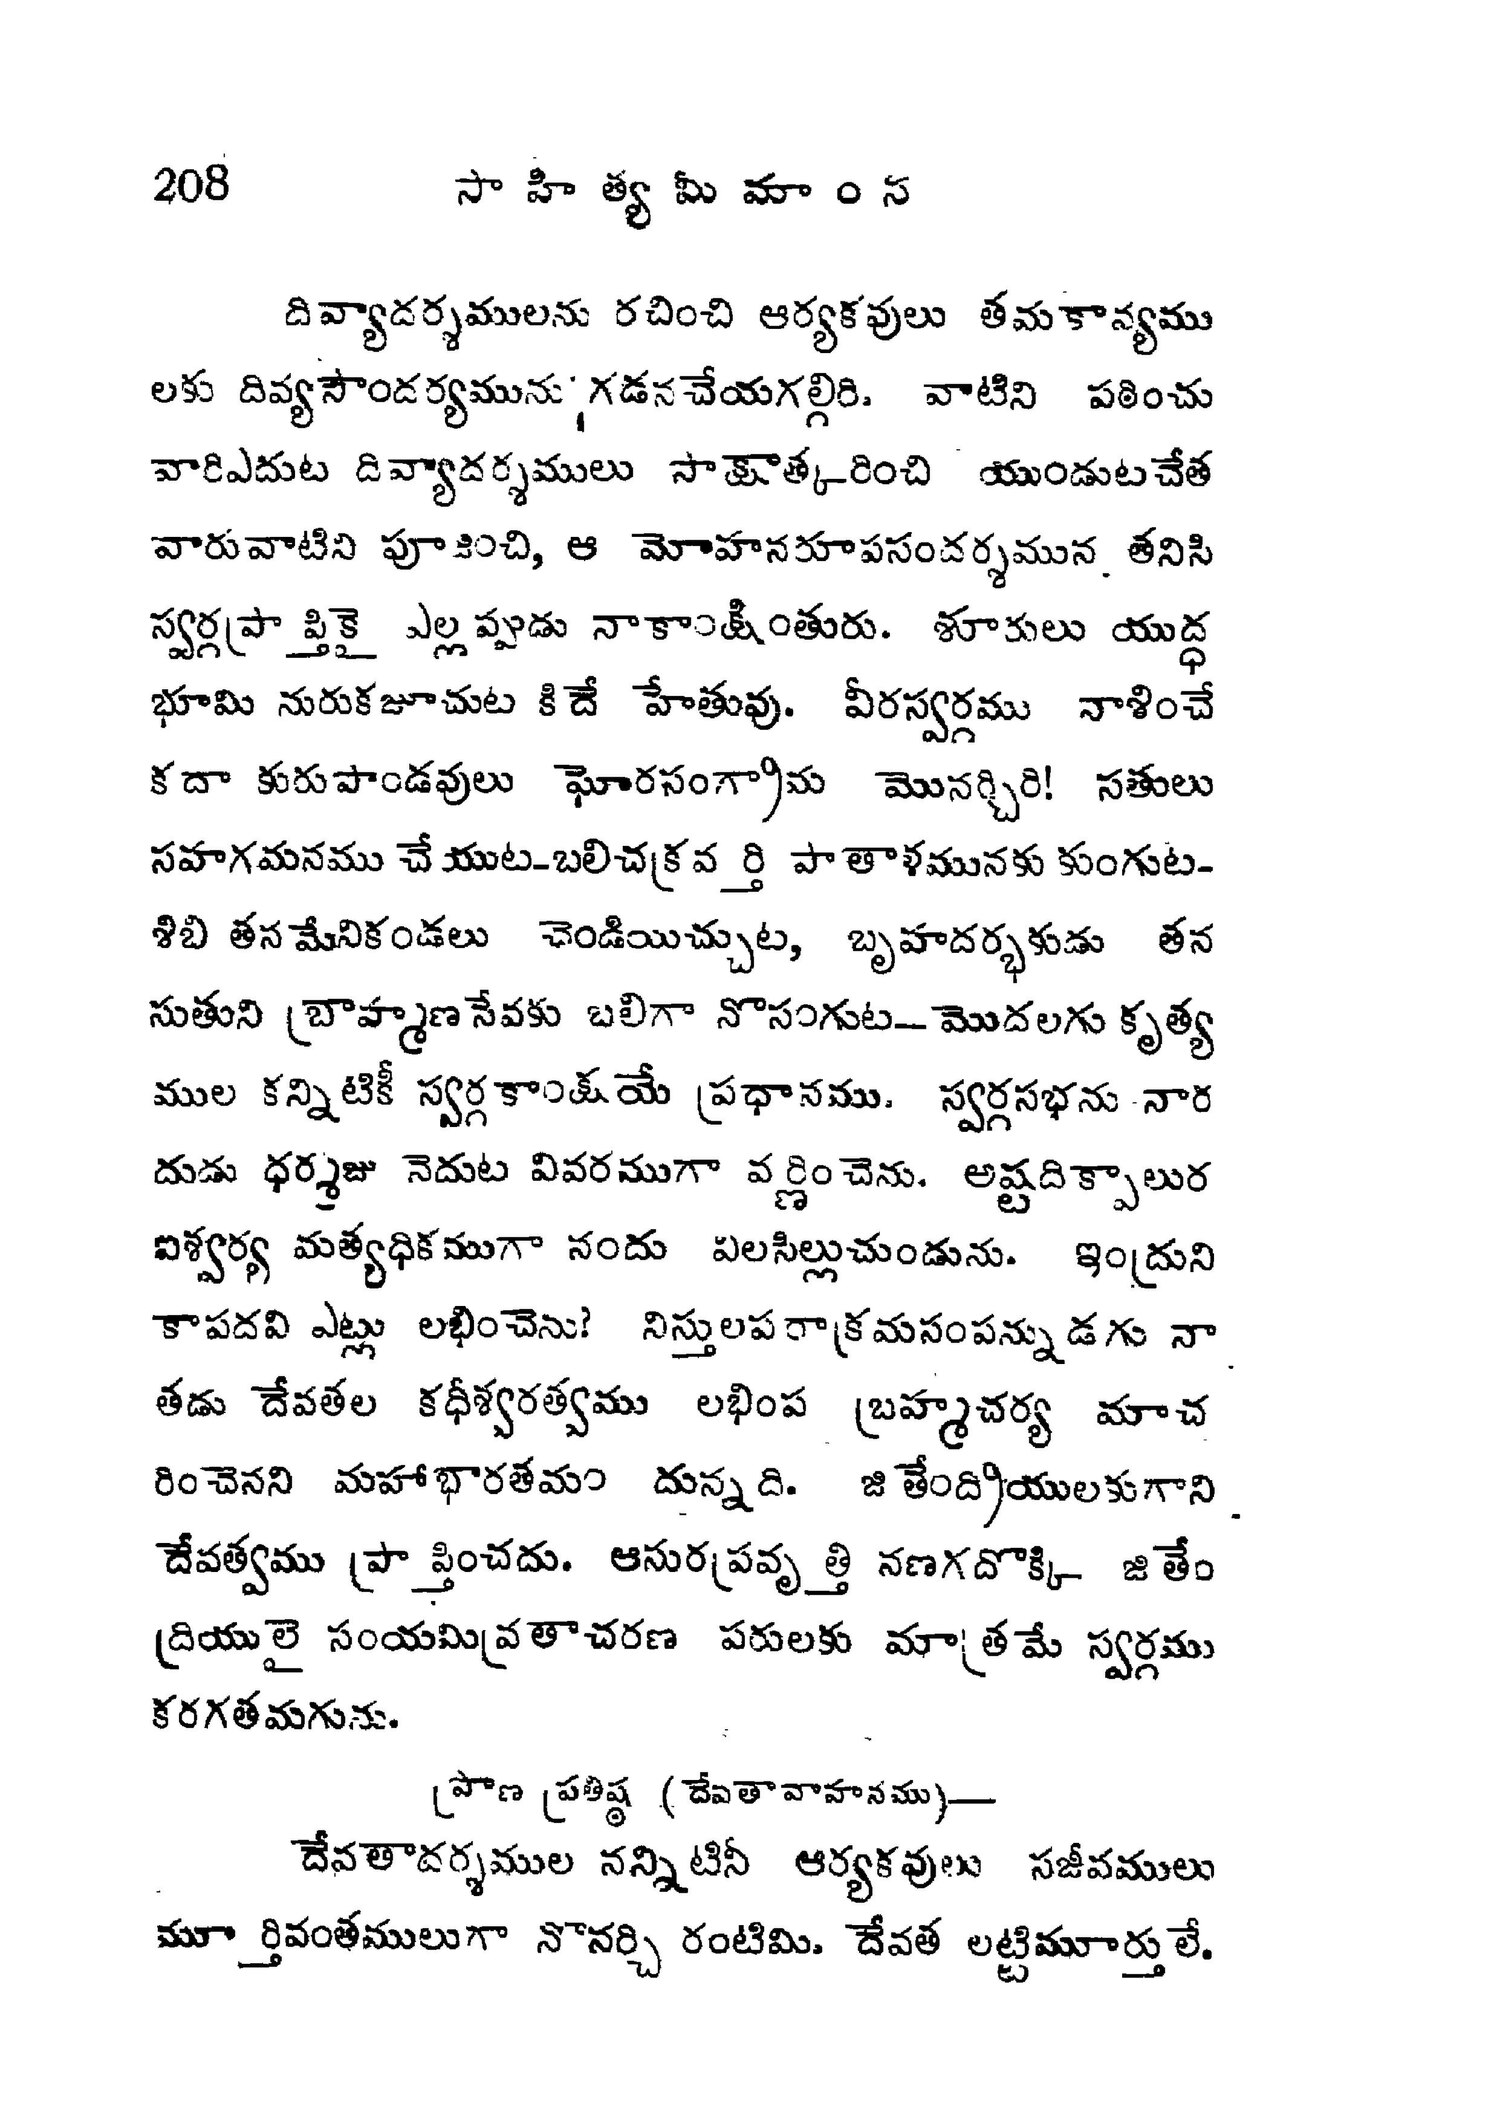దివ్యాదర్శములను రచించి ఆర్యకవులు తమకావ్యములకు దివ్యసౌందర్యమును గడనచేయగల్గిరి. వాటిని పఠించువారిఎదుట దివ్యాదర్శములు సాక్షాత్కరించి యుండుటచేత వారువాటిని పూజించి, ఆ మోహనరూపసందర్శమున తనిసి స్వర్గప్రాప్తికై ఎల్లప్పుడు నాకాంక్షింతురు. శూరులు యుద్ధభూమి నురుకజూచుట కిదే హేతువు. వీరస్వర్గము నాశించే కదా కురుపాండవులు ఘోరసంగ్రామ మొనర్చిరి! సతులు సహగమనము చేయుట - బలిచక్రవర్తి పాతాళమునకు కుంగుట - శిబి తనమేనికండలు చెండియిచ్చుట, బృహదర్భకుడు తన సుతుని బ్రాహ్మణసేవకు బలిగా నొసంగుట - మొదలగు కృత్యముల కన్నిటికీ స్వర్గకాంక్షయే ప్రధానము. స్వర్గసభను నారదుడు ధర్మజు నెదుట వివరముగా వర్ణించెను. అష్టదిక్పాలుర ఐశ్వర్య మత్యధికముగా నందు విలసిల్లుచుండును. ఇంద్రుని కాపదవి ఎట్లు లభించెను? నిస్తులపరాక్రమసంపన్నుడగు నాతడు దేవతల కధీశ్వరత్వము లభింప బ్రహ్మచర్య మాచరించెనని మహాభారతమం దున్నది. జితేంద్రియులకుగాని దేవత్వము ప్రాప్తించదు. ఆసురప్రవృత్తి నణగదొక్కి జితేంద్రియులై సంయమివ్రతాచరణ పరులకు మాత్రమే స్వర్గము కరగతమగును.

దేవతాదర్శముల నన్నిటినీ ఆర్యకవులు సజీవములు మూర్తివంతములుగా నొనర్చి రంటిమి. దేవత లట్టిమూర్తులే,